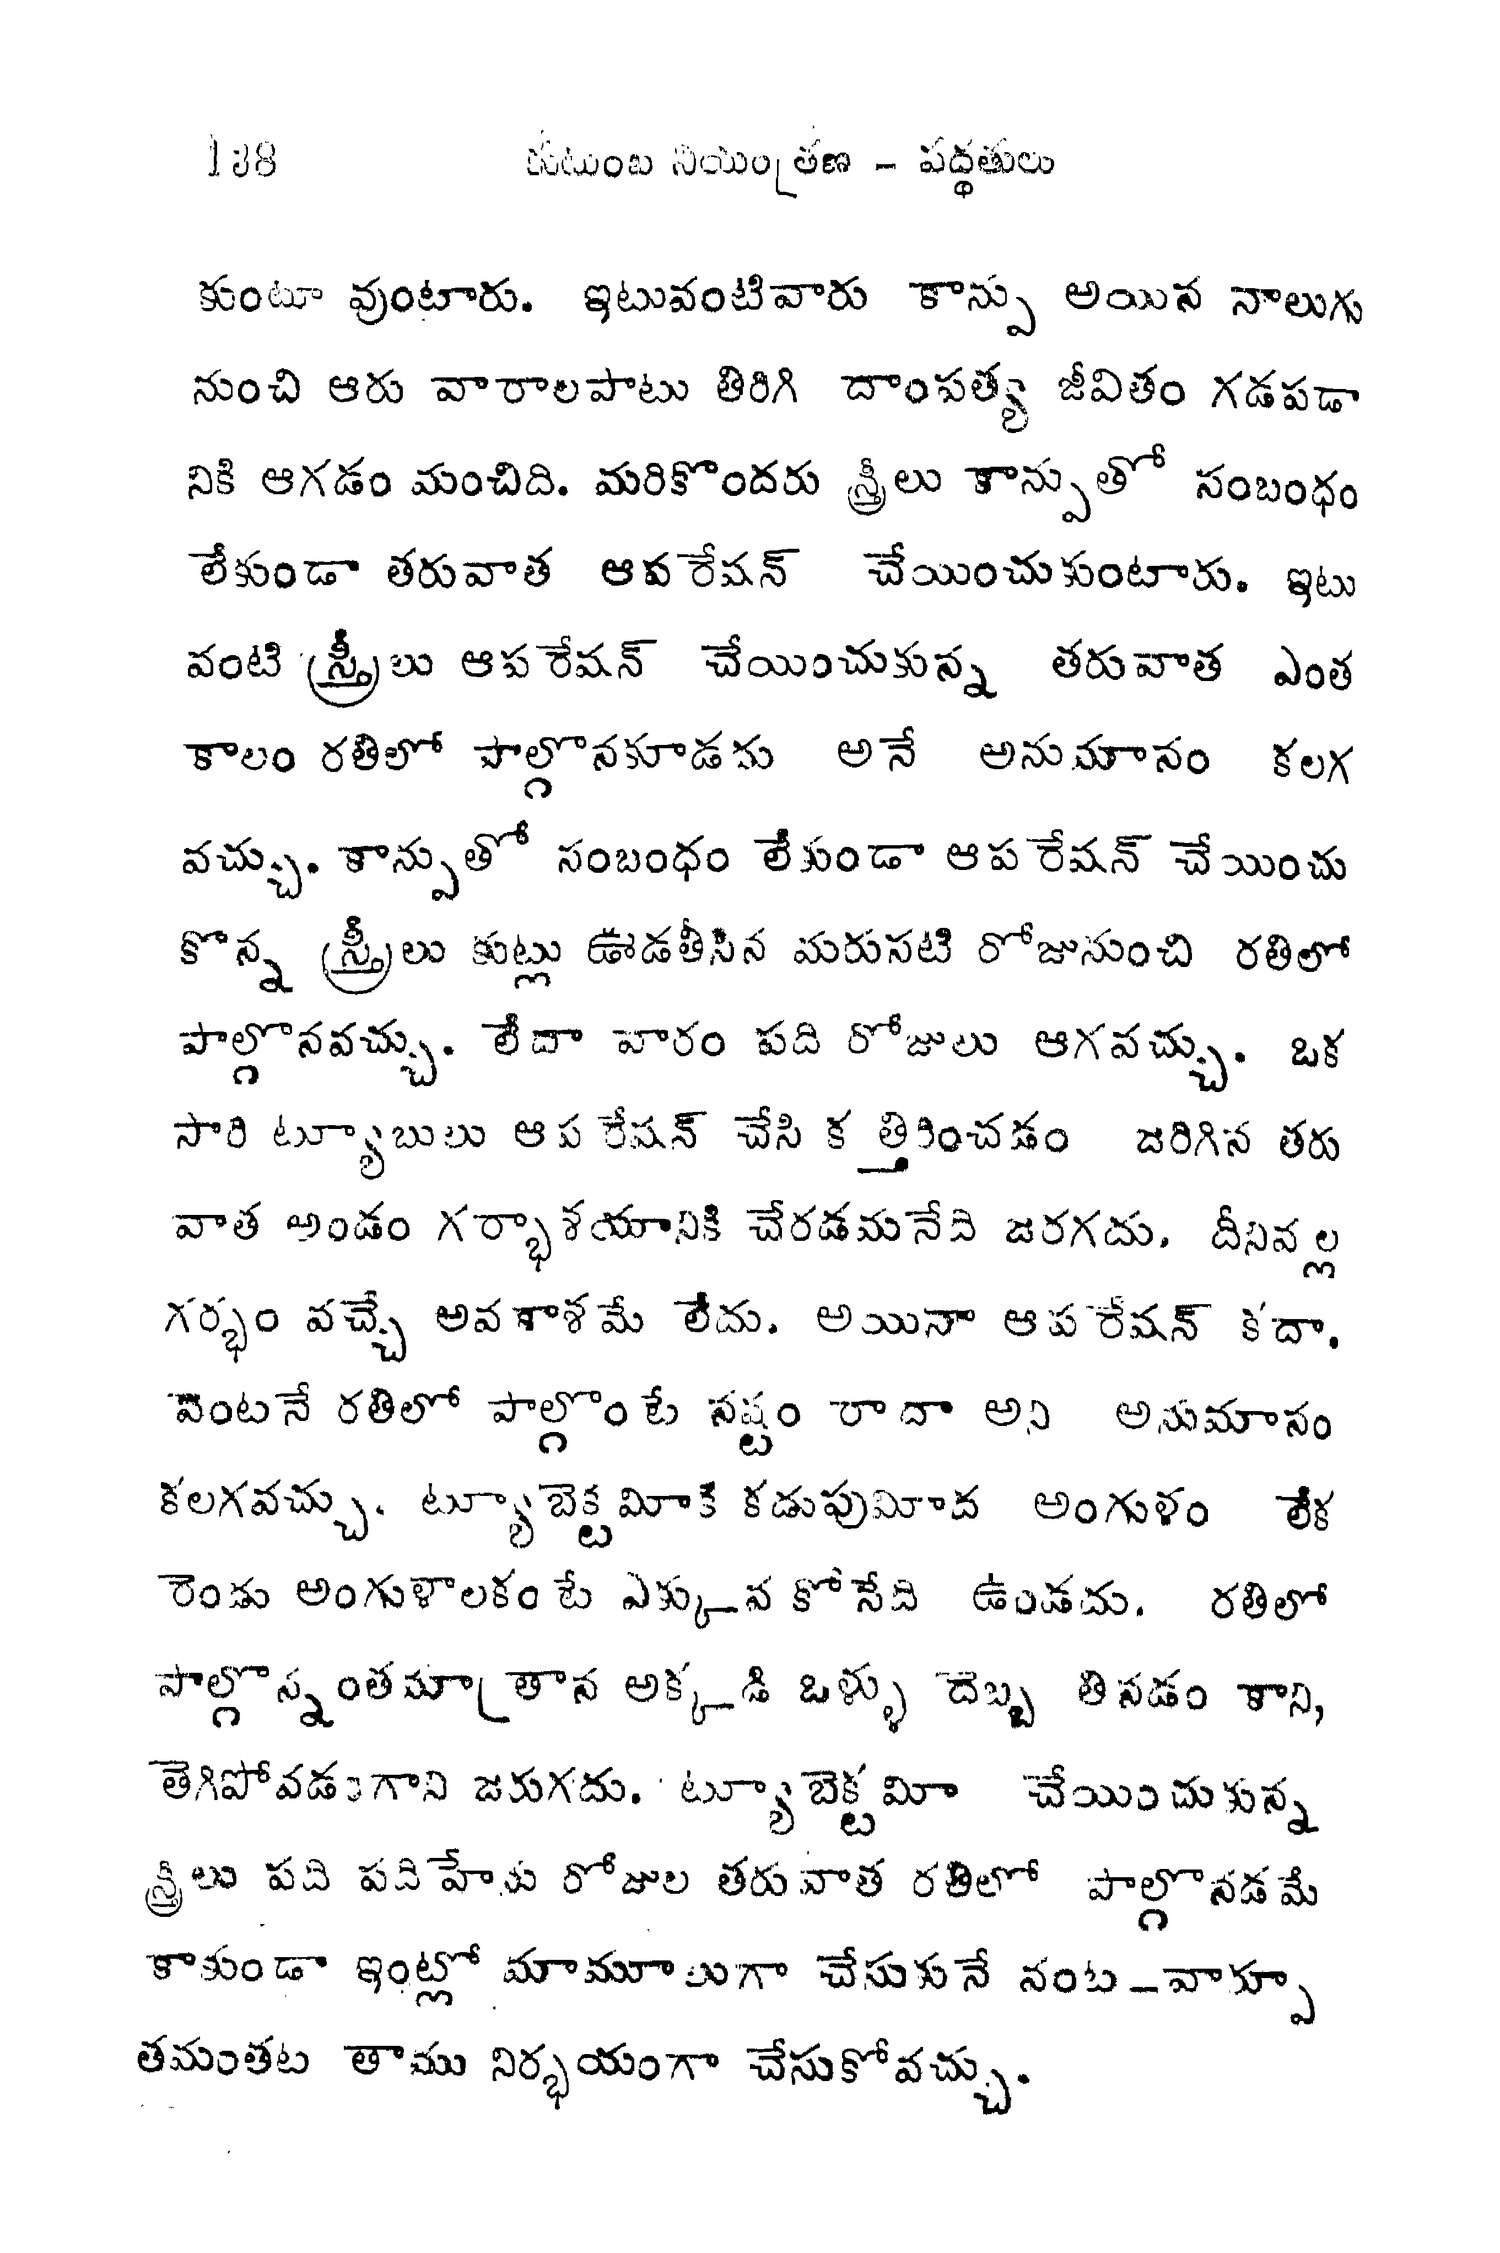కుంటూ వుంటారు. ఇటువంటివారు కాన్పు అయిన నాలుగు నుంచి ఆరు వారాలపాటు తిరిగి దాంపత్య జీవితం గడపడానికి ఆగడం మంచిది. మరికొందరు స్రీలు కాన్పుతో సంబంధం లేకుండా తరువాత ఆపరేషన్ చేయించుకుంటారు. ఇటువంటి స్త్రీలు ఆపరేషన్ చేయించుకున్న తరువాత ఎంతకాలం రతిలో పాల్గొనకూడదు అనే అనుమానం కలగ వచ్చు. కాన్పుతో సంబంధం లేకుండా ఆపరేషన్ చేయించుకొన్న స్త్రీలు కుట్లు ఊడతీసిన మరుసటి రోజునించి రతిలో పాల్గొనవచ్చు. లెదా వారం పది రోజులు ఆగవచ్చు. ఒక సారి ట్యూబులు ఆపరేషన్ చేసి కత్తిరించడం జరిగిన తరువాత అండం గర్భాశయానికి చేరడమనేది జరగదు. దీనివల్ల గర్భం వచ్చే అవకాశం లేదు. అయినా ఆపరేషన్ కదా. వెంటనే రతిలో పాల్గొంటే నష్టం రాదా అని అనుమానం కలుగవచ్చు. ట్యూబెక్టమీకి కడుపుమీద అంగుళం లేక రెండు అంగుళాలకంటే ఎక్కువ కొసేది ఉండదు. రతిలో పాల్గొన్నంతమాత్రాన అక్కడి ఒళ్ళు దెబ్బ తినడం కాని, తెగిపోవడంగాని జరుగదు. ట్యూబెక్టమీ చేయించుకున్న స్త్రీలు పది పదిహేనురోజులు తరువాత రతిలో పాల్గొనడమే కాకుండా ఇంట్లో మామూలుగా చేసుకునే వంట-వార్పూ తమంతట తాము నిర్భయంగా చేసుకోవచ్చు.